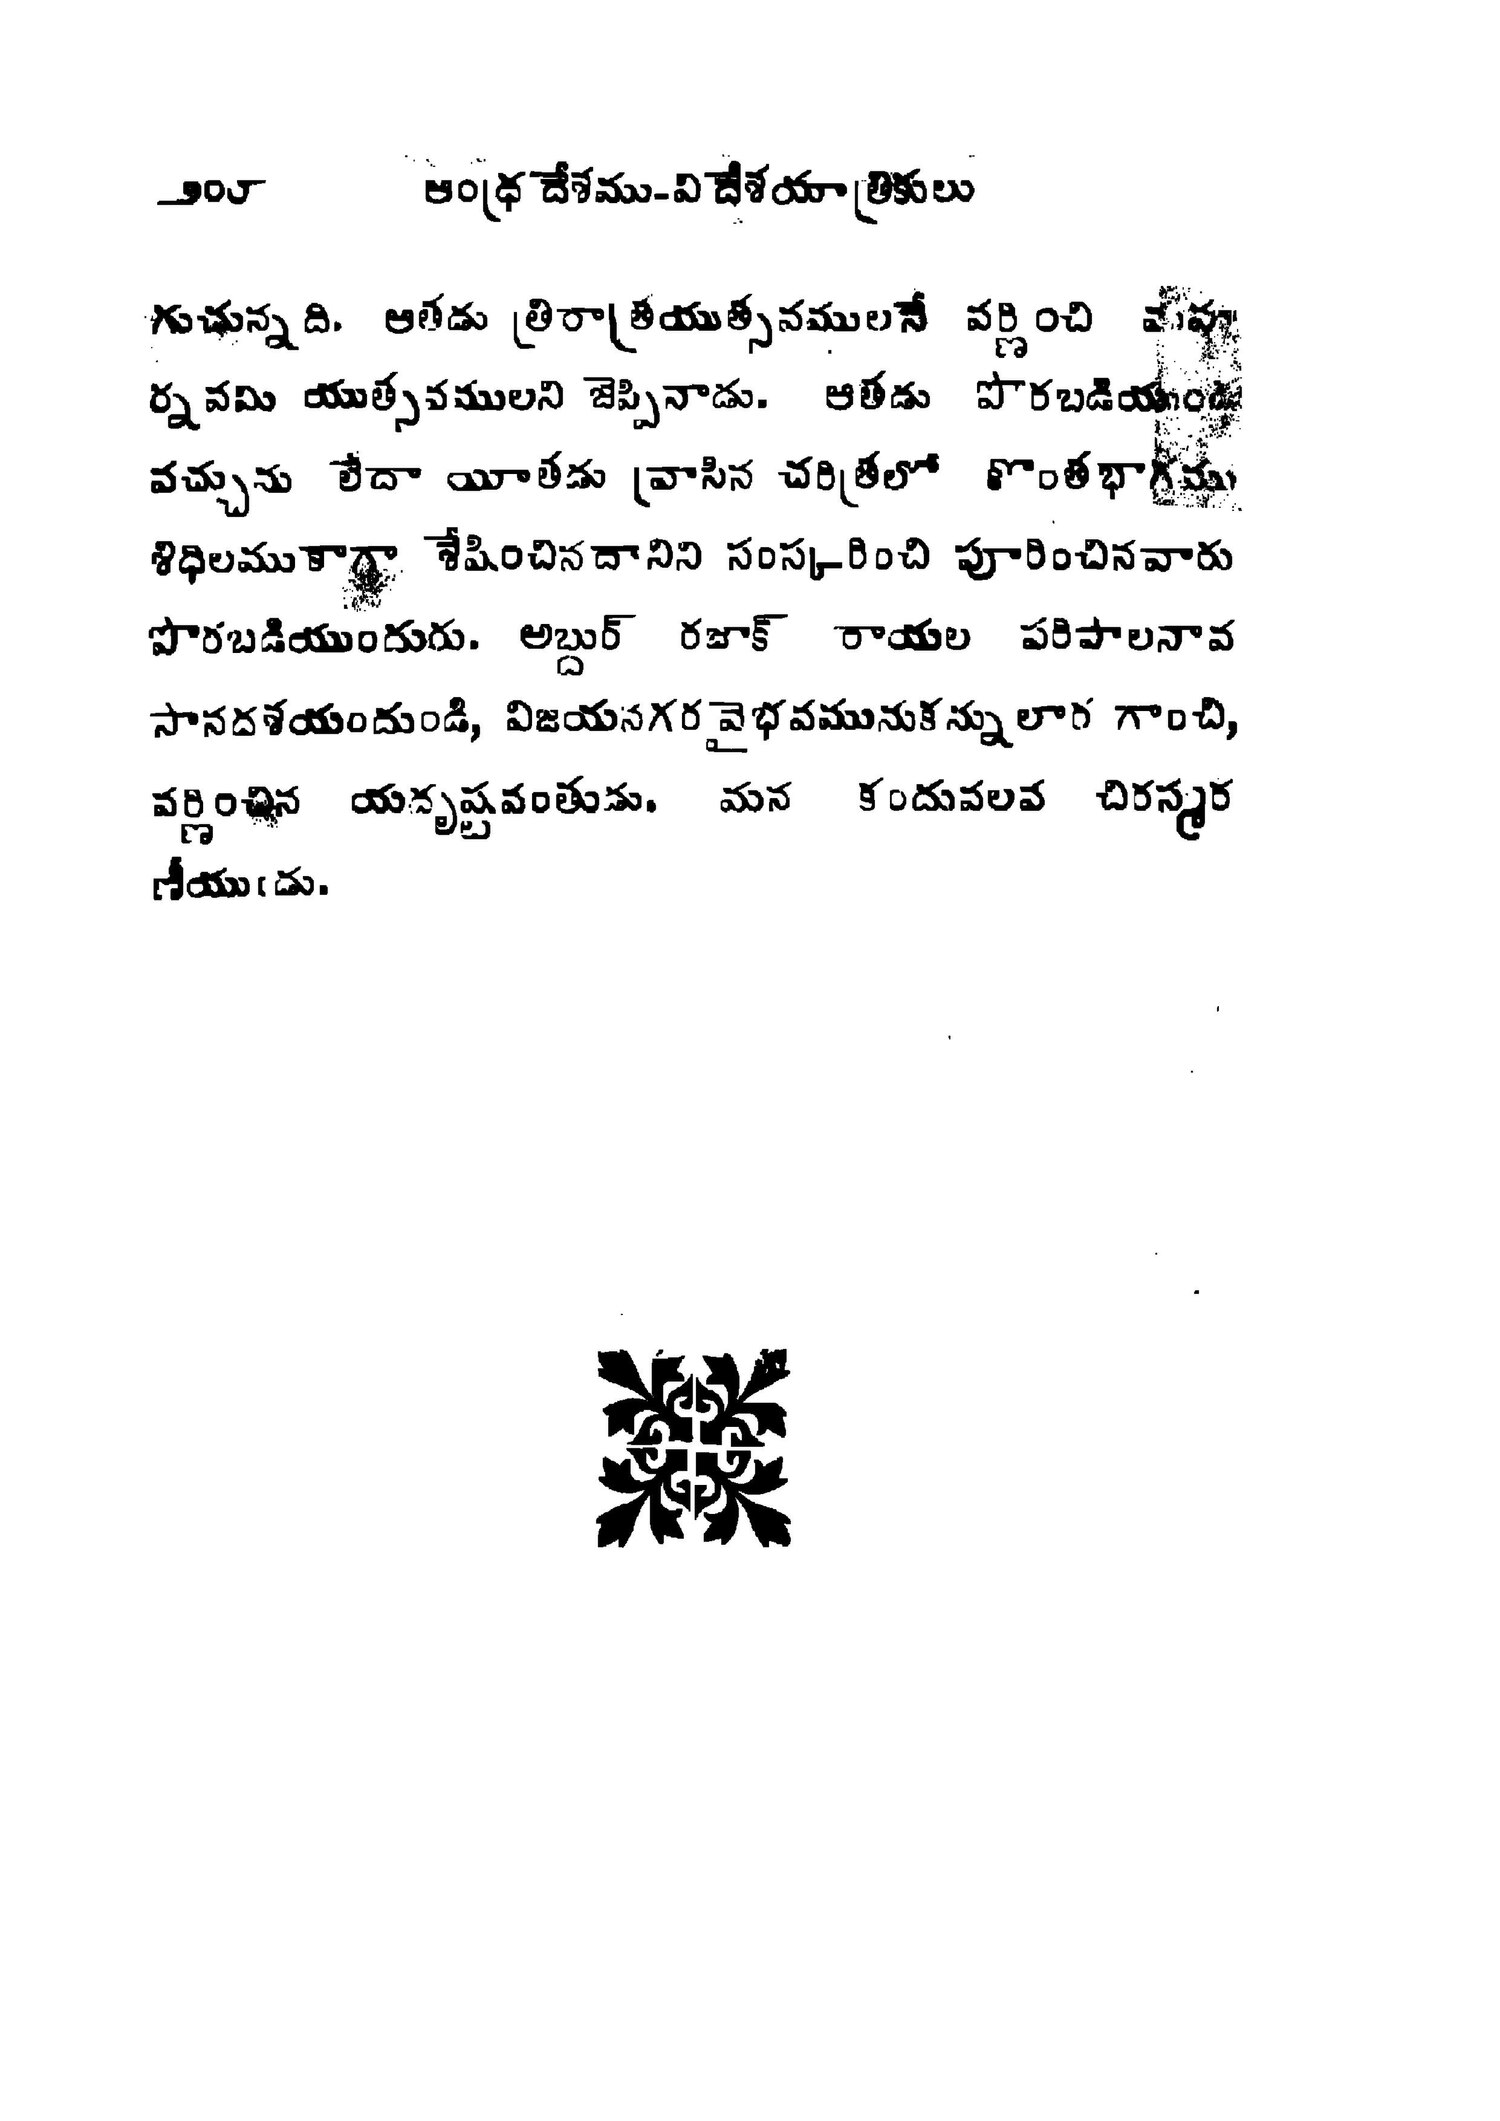గుచున్నది. ఆతడు త్రిరాత్రయుత్సవములనే వర్ణించి మహర్నవమి యుత్సవములని జెప్పినాడు. ఆతడు పొరబడి యుండవచ్చును లేదా యీతడు వ్రాసిన చరిత్రలో కొంతభాగము శిధిలముకాగా శేషించిన దానిని సంస్కరించి పూరించినవారు పొరబడియుందురు. అబ్దుర్ రజాక్ రాయల పరిపాలనావసానదశయందుండి, విజయనగర వైభవమునుకన్నులార గాంచి, వర్ణించిన యదృష్టవంతుడు. మన కందువలన చిరస్మరణీయుడు.